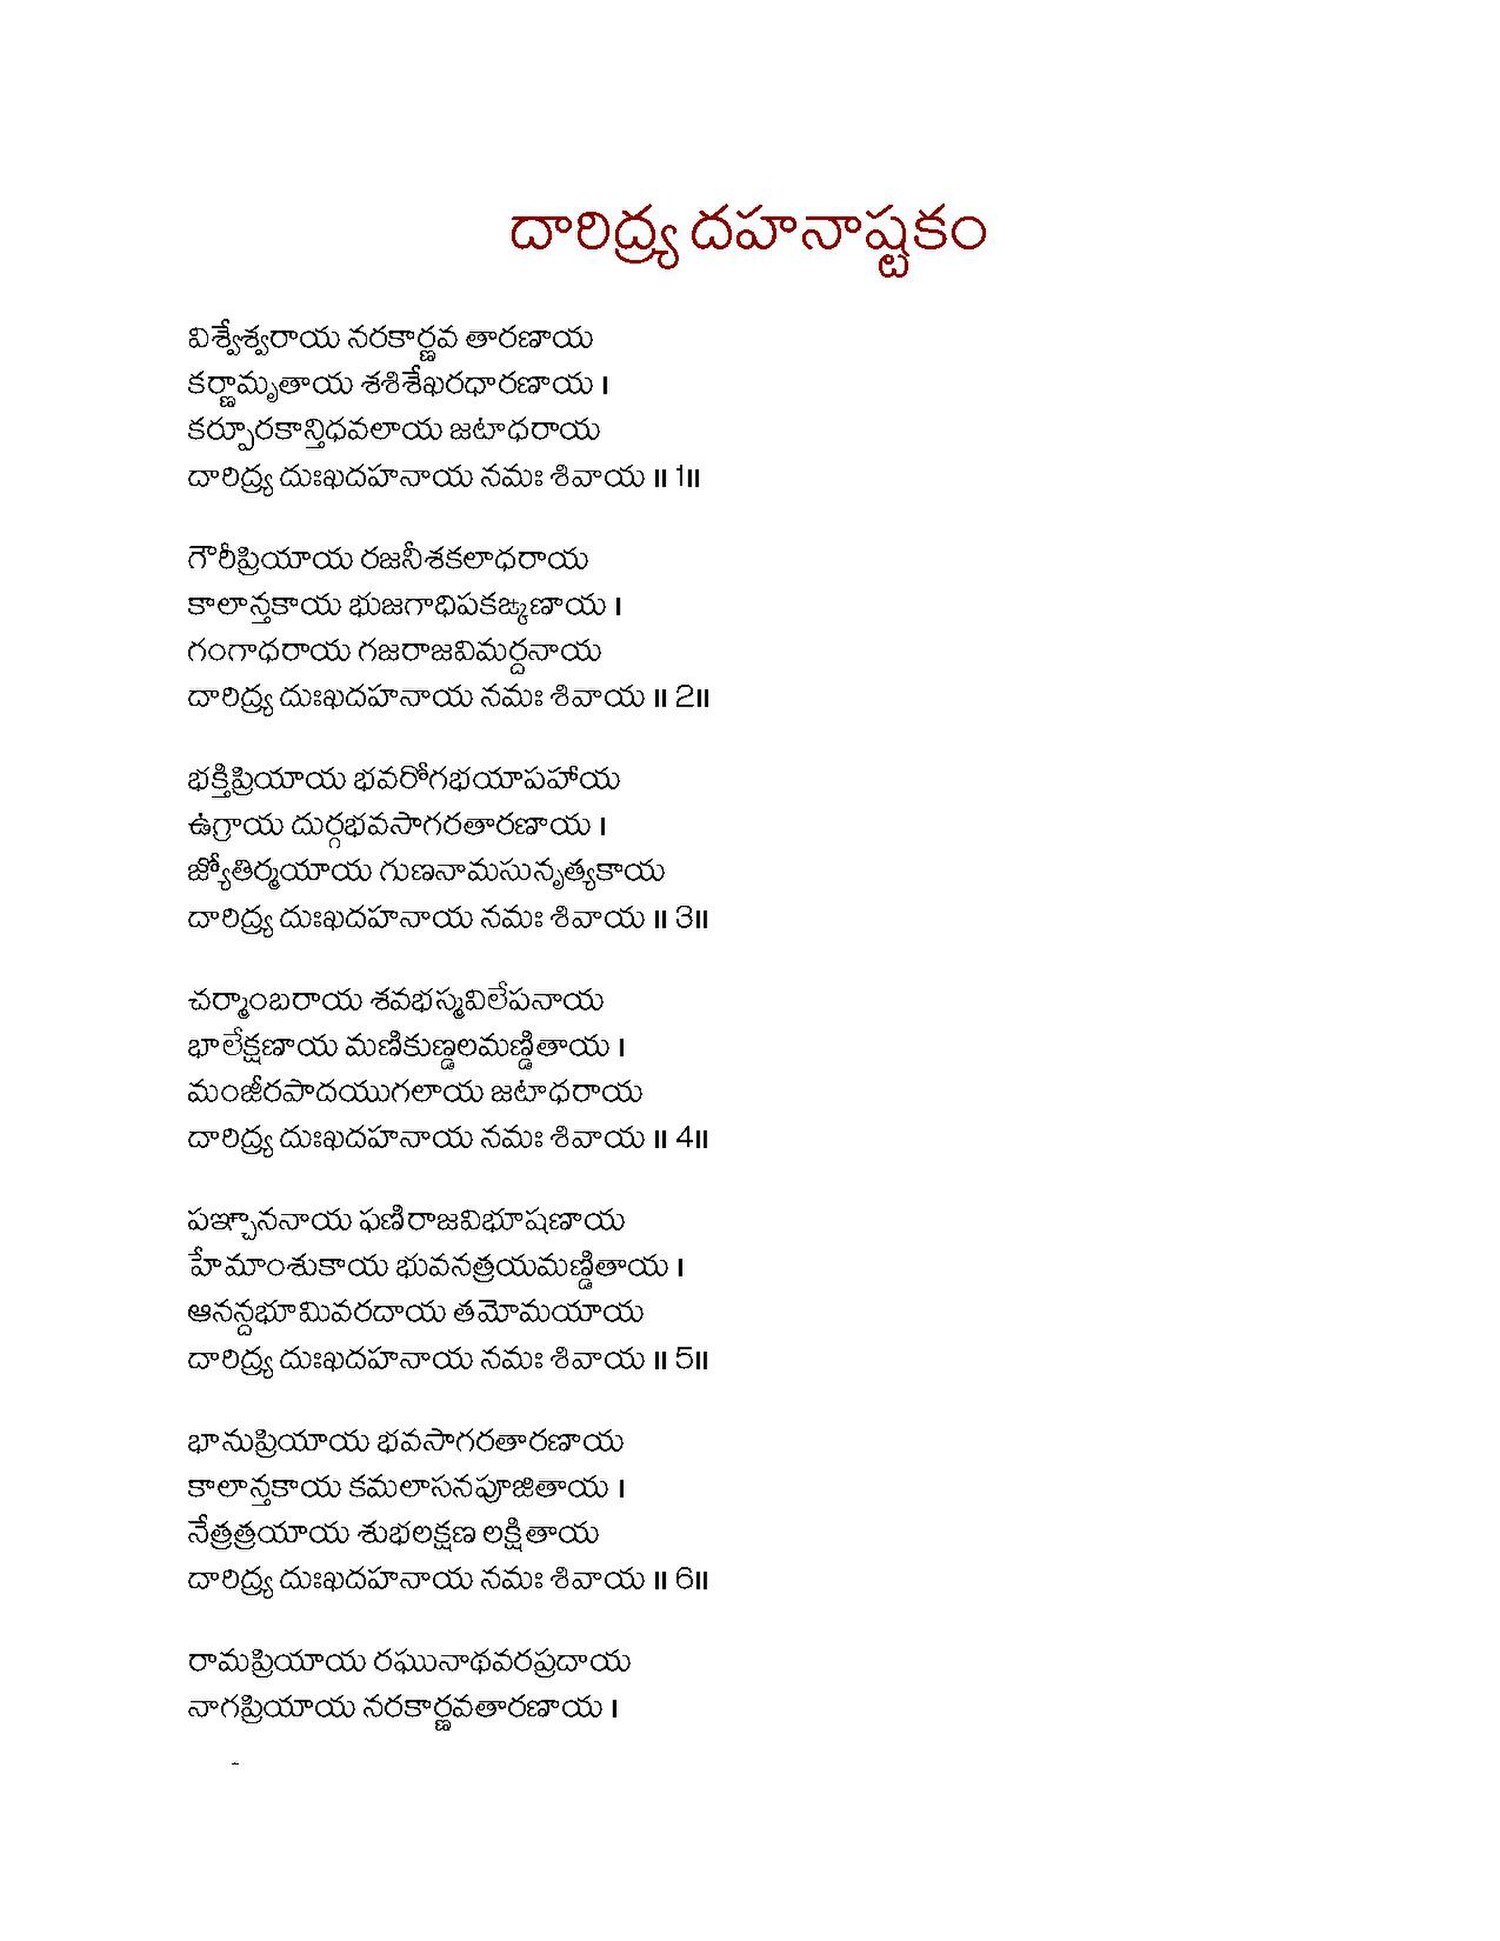దారిద్ర్య దహనాష్టకం

విశ్వేశ్వరాయ నరకార్ణవ తారణాయ
కర్ణామృతాయ శశిశేఖరధారణాయ |
కర్పూరకాన్తిధవలాయ జటాధరాయ
దారిద్య్ర దుఃఖదహనాయ నమః శివాయ || 1 ||

గౌరీప్రియాయ రజనీశకలాధరాయ
కాలాన్తకాయ భుజగాధిపకఙ్కణాయ |
గంగాధరాయ గజరాజవిమర్ధనాయ
దారిద్య్ర దుఃఖదహనాయ నమః శివాయ || 2 ||

భక్తి ప్రియాయ భవరోగభయాపహాయ
ఉగ్రాయ దుర్గభవసాగరతారణాయ |
జ్యోతిర్మయాయ గుణనామసునృత్యకాయ
దారిద్య్ర దుఃఖ దహనాయ నమః శివాయ || 3||

చర్మాంబరాయ శవభస్మవిలేపనాయ
భాలేక్షణాయ మణికుణ్డలమణ్డితాయ |
మంజీరపాదయుగలాయ జటాధరాయ
దారిద్ర్య దుఃఖదహనాయ నమః శివాయ || 4||

పఞ్చాననాయ ఫణిరాజవిభూషణాయ
హేమాంశుకాయ భువనత్రయమణ్డితాయ |
ఆనన్దభూమివరదాయ తమోమయాయ
దారిద్య్ర దుఃఖదహనాయ నమః శివాయ || 5||

భానుప్రియాయ భవసాగరతారణాయ
కాలాన్తకాయ కమలాసనపూజితాయ |
నేత్రత్రయాయ శుభలక్షణ లక్షితాయ
దారిద్య్ర దుఃఖదహనాయ నమః శివాయ || 6 ||

రామప్రియాయ రఘునాథవరప్రదాయ
నాగప్రియాయ నరకార్ణవతారణాయ |